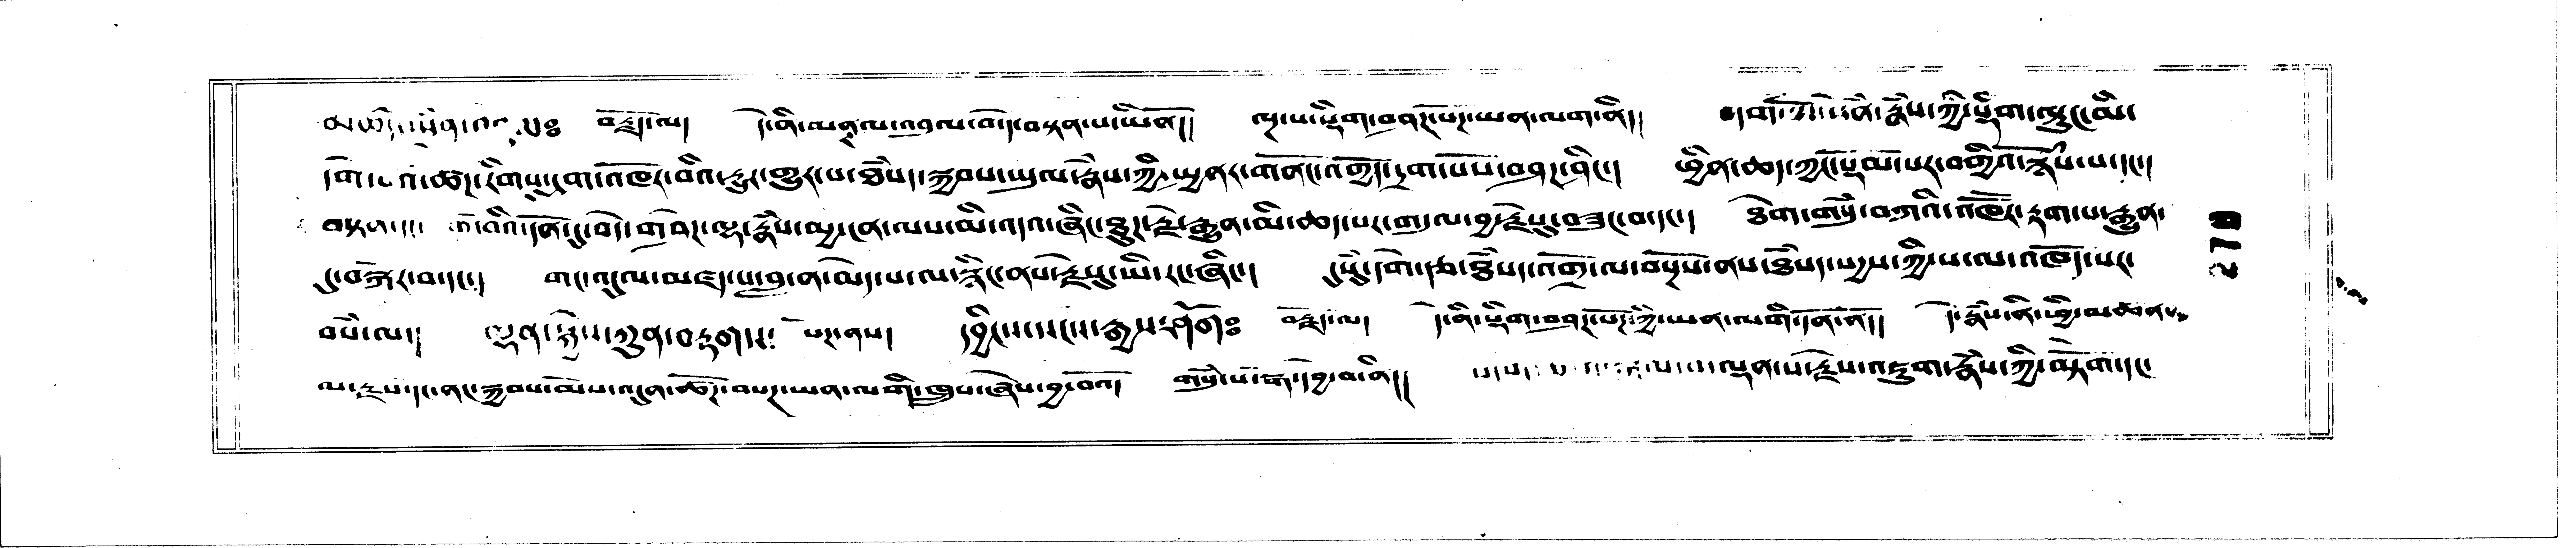མཆོད་སྤྲིན་འབུལ། བརྗོད་ལ། དེ་ནི་མཎྚལ་འབུལ་བ་དེ་བསྟན་པ་ཡིན་ནོ།། ལྔ་པ་སྡིག་བཤགས་སོགས་ཡན་ལག་ནི། བདག་སོགས་སེམས་ཅན་རྣམས་ཀྱི་སྡིག་ལྟུང་མི་
དགེ་བའི་ཚོགས་རིགས་དྲུག་འཁོར་བའི་རྒྱུར་གྱུར་པ་ཐམས་ཅད་སྐྱབས་ཡུལ་རྣམས་ཀྱི་སྤྱན་སྔར་གནོང་འགྱོད་དྲག་པོས་བཤགས་ཤིང་ཕྱིན་ཆད་ཀྱང་སྡོམ་པར་བགྱིའོ་སྙམ་པ་དང་།
 བསྟན་པ་དང་འགྲོ་བའི་དོན་དུ་བདེར་གཤེགས་ལྷ་རྣམས་མྱ་ངན་ལས་མི་འདའ་ཞིང་། ཐུགས་རྗེ་རྒྱུན་མི་འཆད་པར་གདུལ་བྱ་རྗེས་སུ་བཟུང་བ་དང་། ཐེག་གསུམ་བཀའ་ཡི་འཁོར་ལོ་རྟག་པ་རྒྱུན་
དུ་བསྐོར་བ་དང་། གང་འདུལ་མཛད་པ་བླ་མ་མེད་པ་ལ་སྙིང་ནས་རྗེས་སུ་ཡི་རང་ཞིང་། དུས་གསུམ་དགེ་རྩ་ཐམས་ཅད་འགྲོ་ལ་བསྔོས་ནས་ཐམས་ཅད་སངས་རྒྱས་ཀྱི་ས་ལ་འཁོད་པར་
བསམ་ལ། ལྷན་སྐྱེས་ཀུན་བཏགས༑ སོགས་ནས། དབྱིངས་སངས་རྒྱས་ཤོག བརྗོད་ལ། དེ་ནི་སྡིག་བཤགས་སོགས་ཀྱི་ཡན་ལག་གི་དོན་ནོ། དེ་རྣམས་ནི་ཕྱི་མཚན་
མ་རྫས་དང་། ནང་སྐྱབས་སེམས་མོས་འདུན་ཚོགས་བསགས་ཡན་ལག་གི་ཁྲུས་ཞེས་བྱ་བའོ།། གསུམ་པ་སྒོ་དབྱེ་བ་ནི། བདག་ཅག་སྐལ་པ་ལྡན་པ་རྗེས་འཇུག་རྣམས་ཀྱིས་མེ་ཏོག་དང་